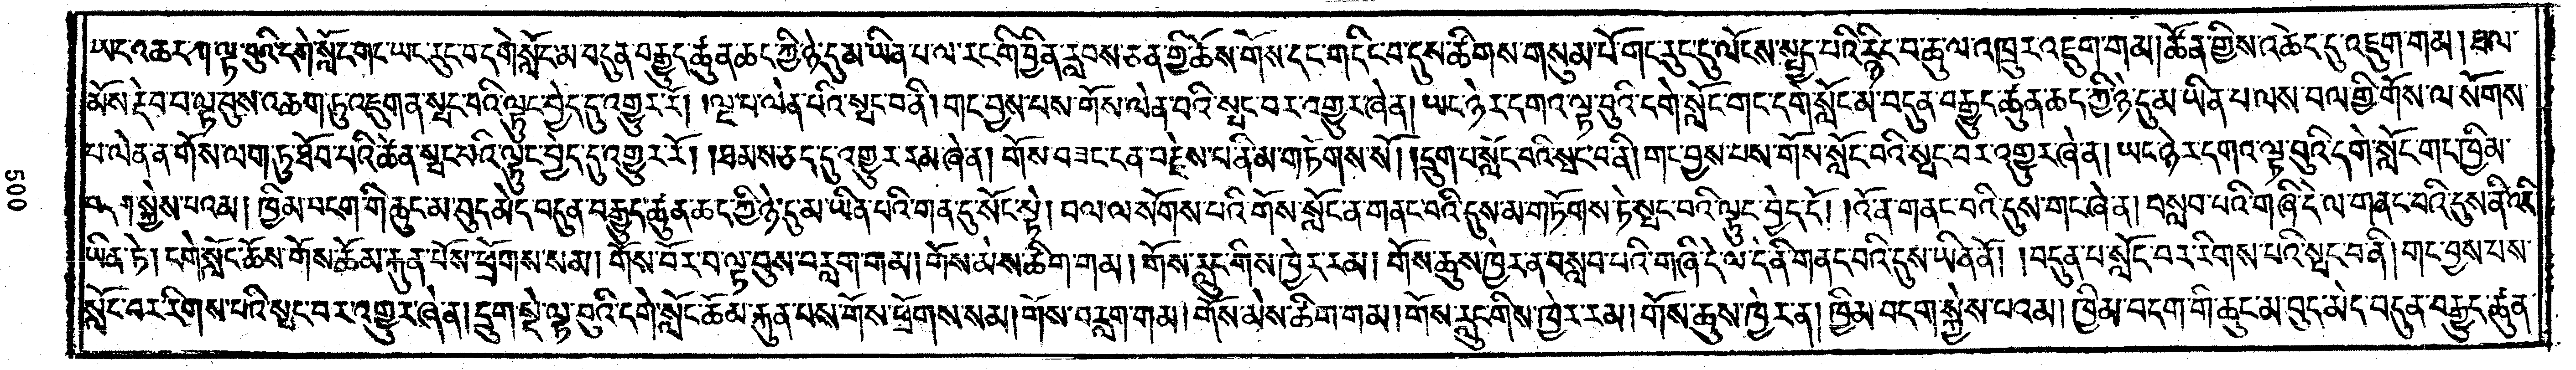ཡང་འཆར་ཀ་ལྟ་བུའི་དགེ་སློང་གང་ཡང་རུང་བ་དགེ་སློང་མ་བདུན་བརྒྱུད་ཚུན་ཆང་ཀྱི་ཉེ་དུ་མ་ཡིན་པ་ལ་རང་གི་བྱིན་རླབས་ཅན་གྱི་ཆོས་གོས་དང་གདིང་བ་དུས་ཚིགས་གསུམ་པོ་གང་རུང་དུ་ལོངས་སྤྱད་པའི་རྙིང་བ་ཆུ་ལ་འཁྲུར་འཇུག་གམ། ཚོན་གྱིས་འཆེང་དུ་འཇུག་གམ། ཐལ་
མོས་རྡེབ་བ་ལྟ་བུས་འཆག་ཏུ་འཇུག་ན་སྤང་བའི་ལྟུང་བྱེད་དུ་འགྱུར་རོ། །ལྔ་པ་ལེན་པའི་སྤང་བ་ནི། གང་བྱས་པས་གོས་ལེན་བའི་སྤང་བར་འགྱུར་ཞེ་ན། ཡང་ཉེར་དགའ་ལྟ་བུའི་དགེ་སློང་གང་དགེ་སློང་མ་བདུན་བརྒྱུད་ཚུན་ཆད་ཀྱི་ཉེ་དུ་མ་ཡིན་པ་ལས་བལ་གྱི་གོས་ལ་སོགས་
པ་ལེན་ན་གོས་ལག་ཏུ་ཐོབ་པའི་ཚེན་སྦང་པའི་ལྟུང་བྱེད་དུ་འགྱུར་རོ། །ཐམས་ཅད་དུ་འགྱུར་རམ་ཞེ་ན། གོས་བཟང་ངན་བརྗེས་པ་ནི་མ་གཏོགས་སོ། །དྲུག་པ་སློང་བའི་སྤང་བ་ནི། གང་བྱས་པས་གོས་སློང་བའི་སྤང་བར་འགྱུར་ཞེ་ན། ཡང་ཉེར་དགའ་ལྟ་བུའི་དགེ་སློང་གང་ཁྱིམ་
བདག་སྐྱེས་པའམ། ཁྱིམ་བདག་གི་ཆུང་མ་བུད་མེད་བདུན་བརྒྱུད་ཚུན་ཆད་ཀྱི་ཉེ་དུ་མ་ཡིན་པའི་གན་དུ་སོང་སྟེ། བལ་ལ་སོགས་པའི་གོས་སློང་ན་གནང་བའི་དུས་མ་གཏོགས་ཏེ་སྤང་བའི་ལྟུང་བྱེད་དོ། །འོ་ན་གནང་བའི་དུས་གང་ཞེ་ན། བསླབ་པའི་གཞི་དེ་ལ་གནང་བའི་དུས་ནི་འདི་
ཡིན་ཏེ། དགེ་སློང་ཆོས་གོས་ཆོམ་རྐུན་པོས་ཕྲོགས་སམ། གོས་བོར་བ་ལྟ་བུས་བརླག་གམ། གོས་མེས་ཚིག་གམ། གོས་རླུང་གིས་ཁྱེར་རམ། གོས་ཆུས་ཁྱེར་ན་བསླབ་པའི་གཞི་དེ་ལ་དེ་ནི་གནང་བའི་དུས་ཡིན་ནོ། །བདུན་པ་སློང་བར་རིགས་པའི་སྤང་བ་ནི། གང་བྱས་པས་
སློང་བར་རིགས་པའི་སྤང་བར་འགྱུར་ཞེ་ན། དྲུག་སྡེ་ལྟ་བུའི་དགེ་སློང་ཆོམ་རྐུན་པས་གོས་ཕྲོགས་སམ། གོས་བརླག་གམ། གོས་མེས་ཚིག་གམ། གོས་རླུང་གིས་ཁྱེར་རམ། གོས་ཆུས་ཁྱེར་ན། ཁྱིམ་བདག་སྐྱེས་པའམ། ཁྱིམ་བདག་གི་ཆུང་མ་བུད་མེད་བདུན་བརྒྱུད་ཚུན་